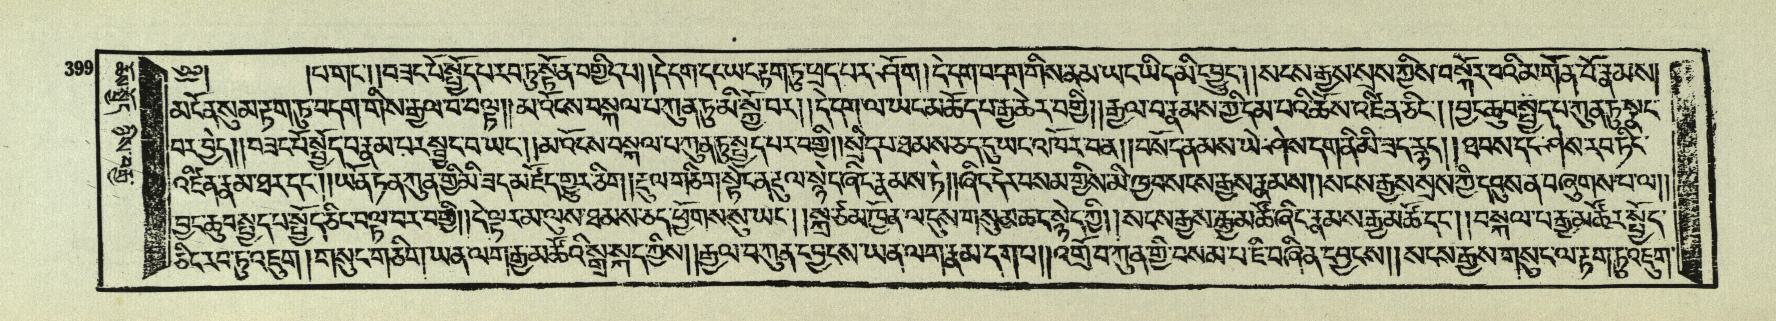༄༅། །པ་གང་། །བཟང་པོ་སྤྱོད་པ་རབ་ཏུ་སྟོན་བགྱིད་པ། །དེ་དག་དང་ཡང་རྟག་ཏུ་ཕྲད་པར་ཤོག །དེ་དག་བདག་གིས་ནམ་ཡང་ཡིད་མི་དབྱུང་། །སངས་རྒྱས་སྲས་ཀྱིས་བསྐོར་བའི་མགོན་པོ་རྣམས།
མངོན་སུམ་རྟག་ཏུ་བདག་གིས་རྒྱལ་བ་བལྟ། །མ་འོངས་བསྐལ་པ་ཀུན་ཏུ་མི་སྐྱོ་བར། །དེ་དག་ལ་ཡང་མཆོད་པ་རྒྱ་ཆེར་བགྱི། །རྒྱལ་བ་རྣམས་ཀྱི་དམ་པའི་ཆོས་འཛིན་ཅིང་། །བྱང་ཆུབ་སྤྱད་པ་ཀུན་ཏུ་སྣང་
བར་བྱེད། །བཟང་པོ་སྤྱོད་པ་རྣམ་པར་སྦྱང་བ་ཡང་། །མ་འོངས་བསྐལ་པ་ཀུན་ཏུ་སྤྱད་པར་བགྱི། །སྲིད་པ་ཐམས་ཅད་དུ་ཡང་འཁོར་བ་ན། །བསོད་ནམས་ཡེ་ཤེས་དག་ནི་མི་ཟད་རྙད། །ཐབས་དང་ཤེས་རབ་ཏིང་
འཛིན་རྣམ་ཐར་དང་། །ཡོན་ཏན་ཀུན་གྱི་མི་ཟད་མཛོད་གྱུར་ཅིག །རྡུལ་གཅིག་སྟེང་ན་རྡུལ་སྙེད་ཞིང་རྣམས་ཏེ། །ཞིང་དེར་བསམ་གྱིས་མི་ཁྱབ་སངས་རྒྱས་རྣམས། །སངས་རྒྱས་སྲས་ཀྱི་དབུས་ན་བཞུགས་པ་ལ།།
བྱང་ཆུབ་སྤྱད་པ་སྤྱོད་ཅིང་བལྟ་བར་བགྱི། །དེ་ལྟར་མ་ལུས་ཐམས་ཅད་ཕྱོགས་སུ་ཡང་། །སྐྲ་ཙམ་ཁྱོན་ལ་དུས་གསུམ་ཆང་སྙེད་ཀྱི། །སངས་རྒྱས་རྒྱ་མཚོ་ཞིང་རྣམས་རྒྱ་མཚོ་དང་། །བསྐལ་པ་རྒྱ་མཚོར་སྤྱོད་
ཅིང་རབ་ཏུ་འཇུག །གསུང་གཅིག་ཡན་ལག་རྒྱ་མཚོའི་སྒྲ་སྐད་ཀྱིས། །རྒྱལ་བ་ཀུན་དབྱངས་ཡན་ལག་རྣམ་དག་པ། །འགྲོ་བ་ཀུན་གྱི་བསམ་པ་ཇི་བཞིན་དབྱངས། །སངས་རྒྱས་གསུང་ལ་རྟག་ཏུ་འཇུག་